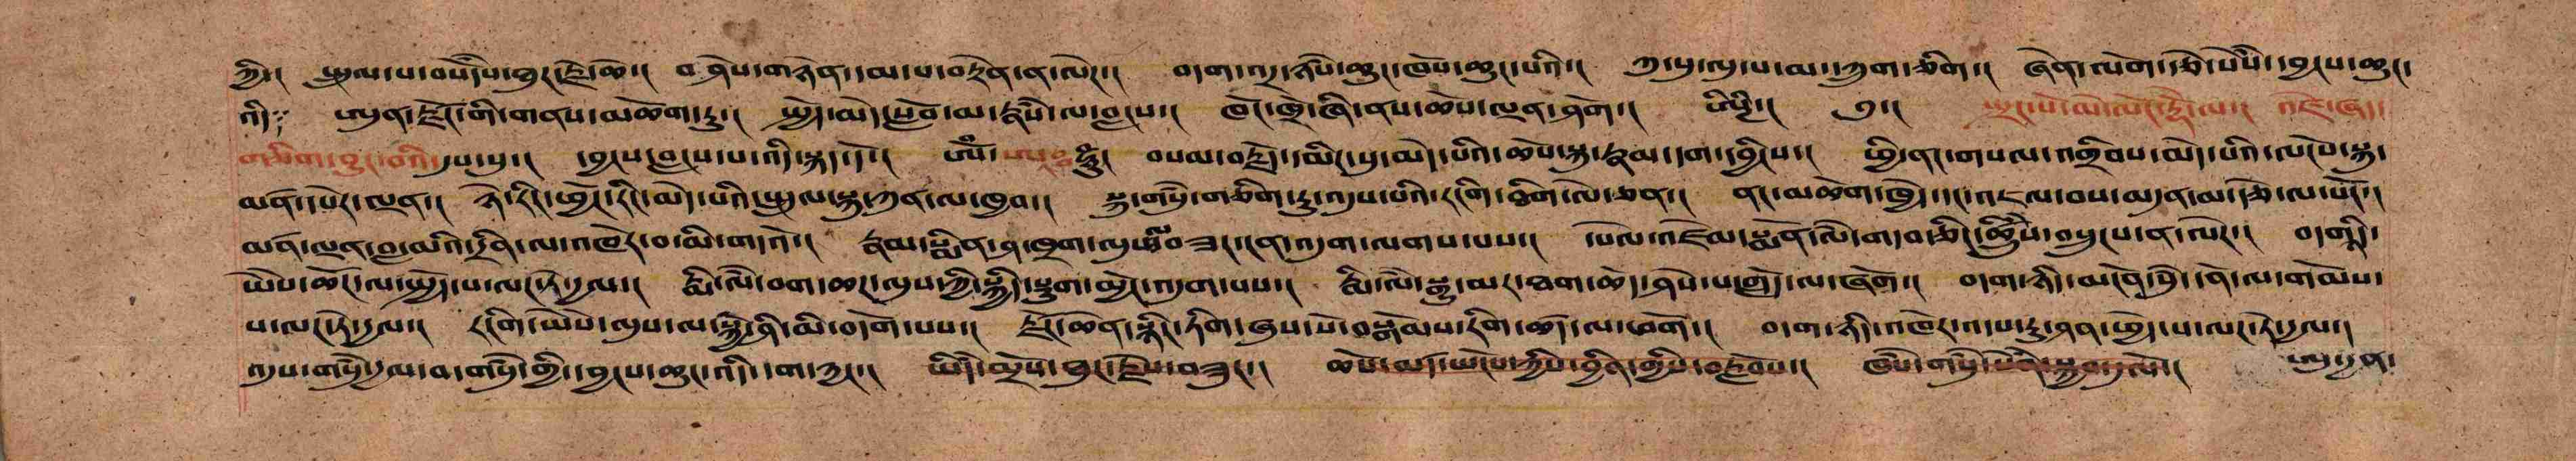ཀྱི། སྤྲུལ་པ་བསོད་ནམས་ཐུགས་རྗེ་ཆེ། བཤེས་གཉེན་དམ་པ་བརྟེན་ན་ལེགས། བདག་འདྲ་ཉམས་ཆུང་ཁོས་ཆུང་པའི། ཀུ་སུ་ལུ་པ་མ་དཀྲུག་ཅིག ཞེན་ལོག་རྩེ་སེམས་དབྱངས་ཆུང་
འདི༑ ཨུན་རྫོང་གི་གནས་མཆོག་ཏུ། སྤྱོད་མེད་སློབ་མ་རྣམས་ལ་བླངས། ཁོང་ཁྲོ་ཞི་ནས་ཆོས་ལྡན་ཤོག ཨིཊི། ༄་། སྤྲང་པོ་མེ་ལོང་རྡོ་རྗེ་ལ། འཛེ་ཞད་
གཅིག་བྱུང་བའི་དུས་སུ། དབྱངས་བླངས་པ་འདི་སྐད་དོ། ཨོཾ་ཨཿ ཧཱུཾ། བསམ་བརྗོད་དམིགས་སུ་མེད་པའི་ཆོས་སྐུ་རྣམ་དག་དབྱིངས། ཕྱི་ནང་གསལ་འགྲིབས་མེད་པའི་ལོངས་སྐུ་
མཚན་དཔེར་ལྡན། ཉེ་རིང་ཕྱོགས་རིས་མེད་པའི་སྤྲུལ་སྐུ་ཀུན་ལ་ཁྱབ། སྐུ་གསུམ་གཅིག་ཏུ་འདུས་པའི་རང་རིག་ཐིག་ལེ་ཅན། ནང་མཆོག་ཁྱེད་དང་འཇལ་བས་མདུན་མ་རྩེ་ལ་སོང་། 
མཚན་ལྡན་བླ་མའི་དྲིན་ལ་འཁོར་བ་མི་གདའོ། རྣམ་སྨིན་ཤ་ཁྲག་ལུས་ལ་བཟང་ངན་འདུག་ལགས་པས། དཔེལ་འཛེམ་སྨོན་ལཾ་གདབ་ཅིང་ཚུལ་ཁྲིམས་བསྲུངས་ན་ལེགས། བདག་ཉིད་
ཡེ་ཤེས་ཚོགས་ལ་སྤྱོད་པ་ལགས་ཏེ་རྒྱལ། རྨི་ལམ་བག་ཆགས་ལུས་ཀྱི་སྐྱིད་སྡུག་མྱོང་འདུག་པས། རྨི་ལམ་སྒྱུ་མར་ཐག་ཆོད་ཤེས་པ་གློད་ལ་ཞོག བདག་ཉིད་མངོན་སུམ་དོན་ལ་གོམས་
པ་ལགས་ཏེ་རྒྱལ། རང་རིག་ཡེ་ཤེས་ལུས་ལ་སྐྱི་ཤི་མི་བདོག་པས། རྫོགས་ཆེན་སྙིང་ཏིག་ཞུས་སོ་བསྒོམས་རིག་ཚད་ལ་ཕོག བདག་ཉིད་འཁོར་འདས་རུ་ཤན་ཕྱེད་པ་ལགས་ཏེ་རྒྱལ། 
འདུས་གསུམ་རྒྱལ་བ་གསུམ་གྱི་དབྱངས་ཆུང་འདི་དག་ཀྱང་། ཡིད་དམ་མཁའ་འགྲོས་ཐུགས་རྗེས་བཟུང་། ཆོས་མཛད་ཡོངས་ཀྱི་བྱིན་གྱིས་བརློབས། ཁམས་གསུམ་སེམས་ཅན་སྐྱབ་དུ་གསོལ། ཨུ་རྒྱན་